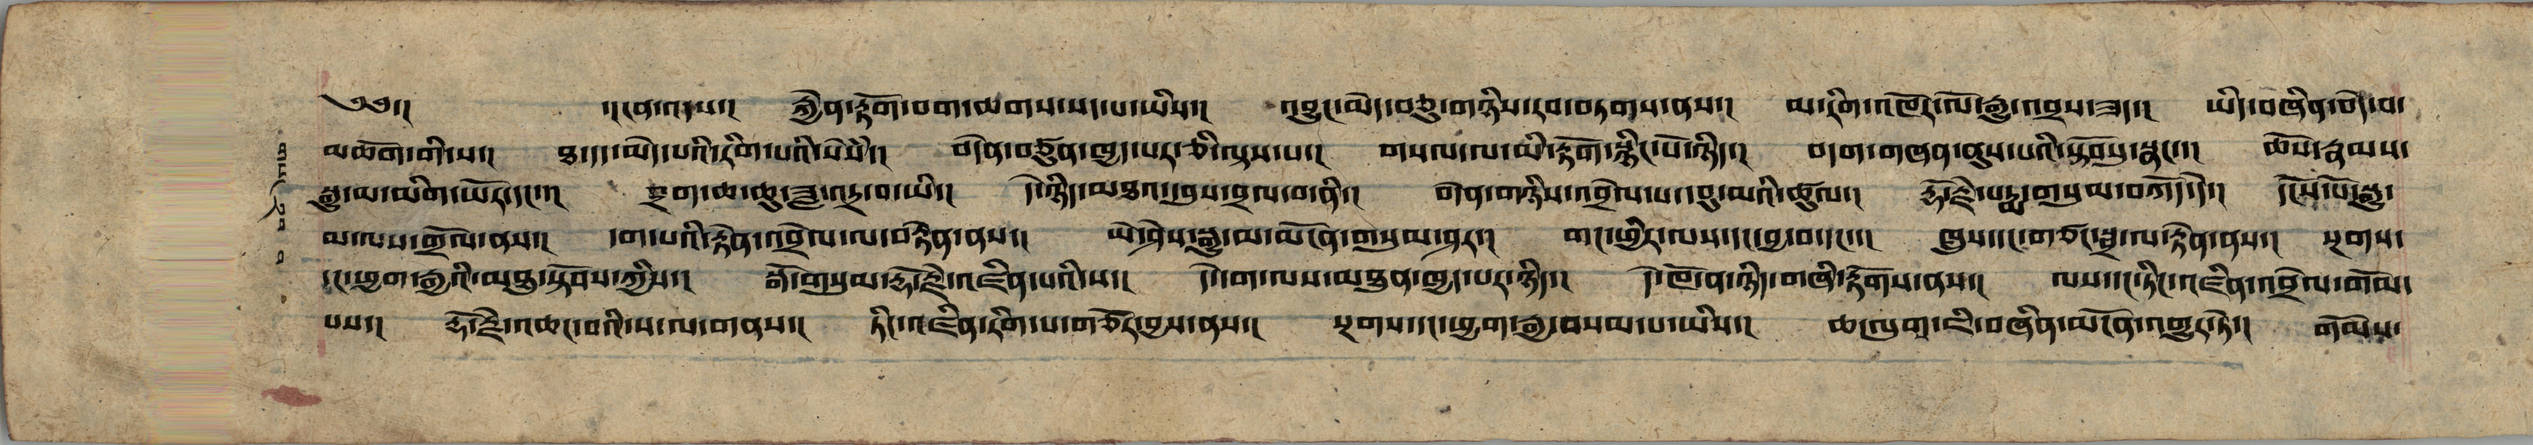༄༅་། ་།ངན་འདས་། རྐྱེན་རྟོག་བག་ཆགས་སད་པ་ཡིས་། འབྱུང་མེད་བཅུ་གཉིས་རབ་བཏགས་ནས་། མ་རིག་འཁོར་ལོ་རྒྱུ་འབྲས་ཟད་། ཡིད་བཞིན་བདེ་བ་
མཆོག་གི་ས་། ཐ་དད་མེད་པའི་རིག་པའི་སེཾས་། བདེན་བཙུན་ཁྱད་པར་ཅི་ལྟས་པ་། གསལ་ལ་མི་རྟོག་སྙིང་པོ་ཉིད་། བདག་གཞན་ནུས་པའི་སྟོབསུ་སྣང་་། ཆོས་རྣམས་
སྒྱུ་མ་མིག་ཡོར་དང་་། བྲག་ཆ་ཆུ་ཟླ་འདྲ་བ་ཡི་། དེ་ཉིད་མཐའ་དབུས་བྲལ་བ་ནི་། བདེན་གཉིས་འབྲེལ་པ་དབུ་མའི་ཚུལ་། རྡོ་རྗེ་པདྨ་གསུམ་བཀོད་དེ་། དངོས་པོ་སྒྱུ་
མ་ལས་གྲོལ་ནས་། དག་པའི་རྟེན་འབྲེལ་ལ་བརྟེན་ནས་། ཡེ་ཤེས་སྒྱུ་མ་མངོན་གསུམ་ཤར་། གང་ཕྱིར་ལས་དང་བྱ་བ་དང་་། ཁྲུས་དང་གཙང་སྦྲ་ལ་རྟེན་ནས་། སྔགས་
དང་ཕྱག་རྒྱའི་མཐུ་སྟོབས་ཀྱིས་། སྒོ་གསུམ་རྡོ་རྗེ་འཛིན་པའི་ས་། དེ་དག་ལས་མཐུན་ཁྱད་པར་ཉིད་། དེ་ཁོ་ན་ཉིད་གཞི་རྟོགས་ནས་། ལས་དང་ཏིང་འཛིན་འབྲེལ་གོམ་
པས་། རྡོ་རྗེ་འཆང་བའི་ས་ལ་གནས་། ཏིང་འཛིན་རིག་པ་གཙོར་བྱས་ནས་། སྔགས་དང་ཕྱག་རྒྱ་བསམ་པ་ཡིས་། ཆ་ལུག་ཇི་བཞིན་མངོན་འགྱུར་ཏེ་། གོམས་